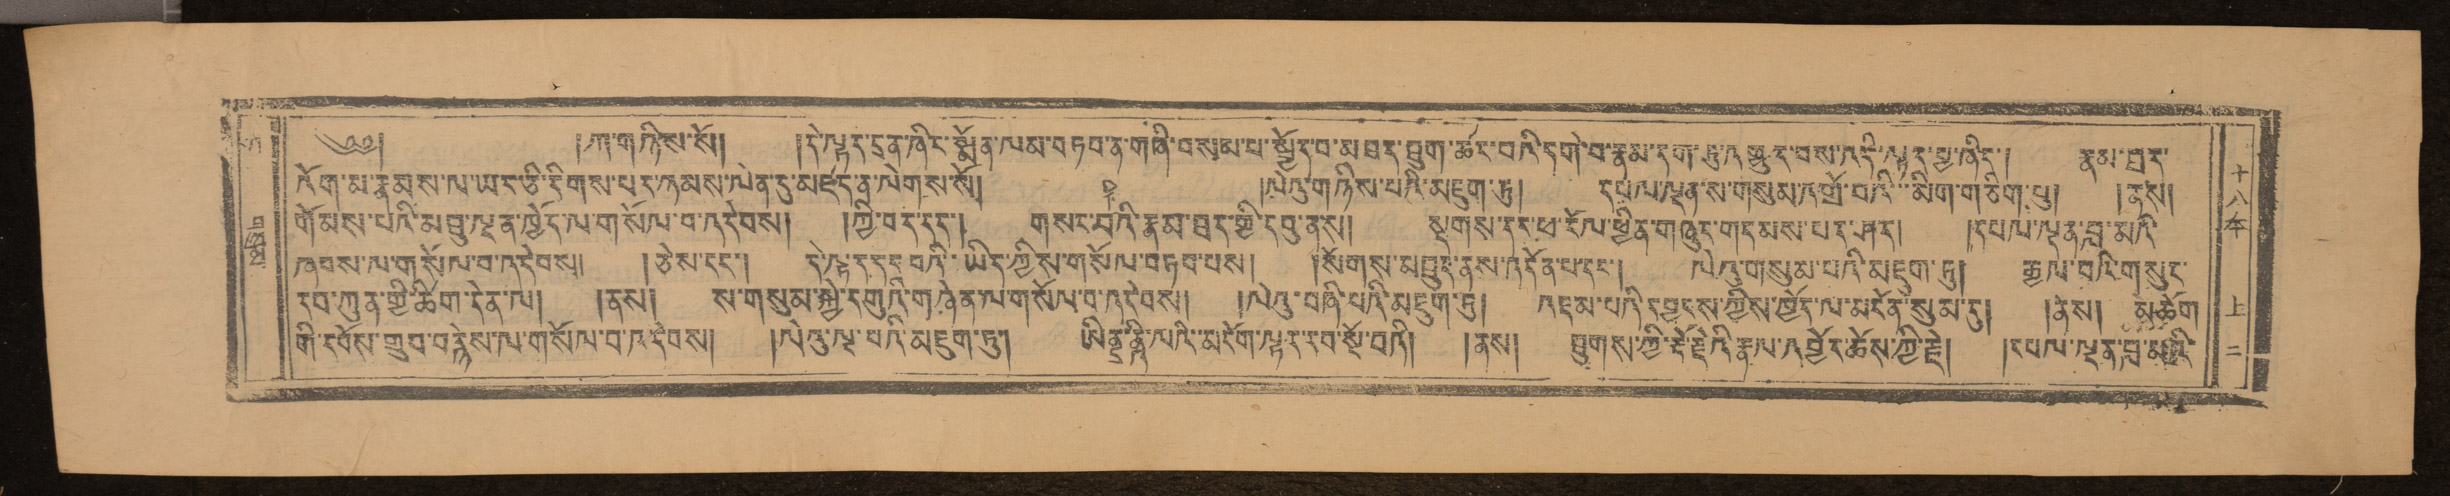༄༅། །ཀ་གཉིས་སོ༑ ༑དེ་ལྟར་དྲན་ཞིང་སྨོན་ལམ་བཏབ་ན་གཞི་བསམ་བ་སྦྱོར་བ་མཐར་ཐུག་ཚང་བའི་དགེ་བ་རྣམ་དག་ཏུ་འགྱུར་བས་འདི་ལྟར་བྱ་ཞིང་། རྣམ་ཐར་
འོག་མ་རྣམས་ལ་ཡང་ནི་རིགས་པར་ཉམས་ལེན་དུ་མཛད་ན་ལེགས་སོ། ༈ །ལེའུ་གཉིས་བའི་མཇུག་ཏུ། དཔལ་ལྡན་ས་གསུམ་འགྲོ་བའི་མིག་གཅིག་བུ། ནས།
གོམས་བའི་མཐུ་ལྡན་ཁྱོད་ལ་གསོལ་བ་འདེབས། ཀྱི་བར་དང་། གསང་བའི་རྣམ་ཐར་གྱི་དབུ་ནས། སྔགས་དང་ཕ་རོལ་ཕྱིན་གཞུང་གདམས་པར་ཤར། དཔལ་ལྡན་བླ་མའི་
ཞབས་ལ་གསོལ་བ་འདེབས། །ཅེས་དང་། དེ་ལྟར་དང་བའི་ཡིད་ཀྱིས་གསོལ་བཏབ་བས། །སོགས་མཐུང་ནས་འདོན་པ་དང་། ལེའུ་གསུམ་པའི་མཇུག་ཏུ། རྒྱལ་བའི་གསུང་
རབ་ཀུན་གྱི་ཚིག་དོན་ལ། །ནས། །ས་གསུམ་སྐྱེ་དགུའི་གཉེན་ལ་གསོལ་བ་འདེབས། །ལེའུ་བཞི་པའི་མཇུག་ཏུ། འཇམ་པའི་དབྱངས་ཀྱིས་ཁྱོད་ལ་མངོན་སུམ་དུ། །ནས། མཆོག་
གི་དངོས་གྲུབ་བརྙེས་ལ་གསོལ་བ་འདེབས། །ལེའུ་ལྔ་པའི་མཇུག་ཏུ། ཨིནྡྲ་ནཱི་ལའི་མདོག་ལྟར་རབ་སྔོ་བའི། །ནས། ཐུགས་ཀྱི་རྡོ་རྗེའི་རྣལ་འབྱོར་ཆོས་ཀྱི་རྗེ། །དཔལ་ལྡན་བླ་མའི་